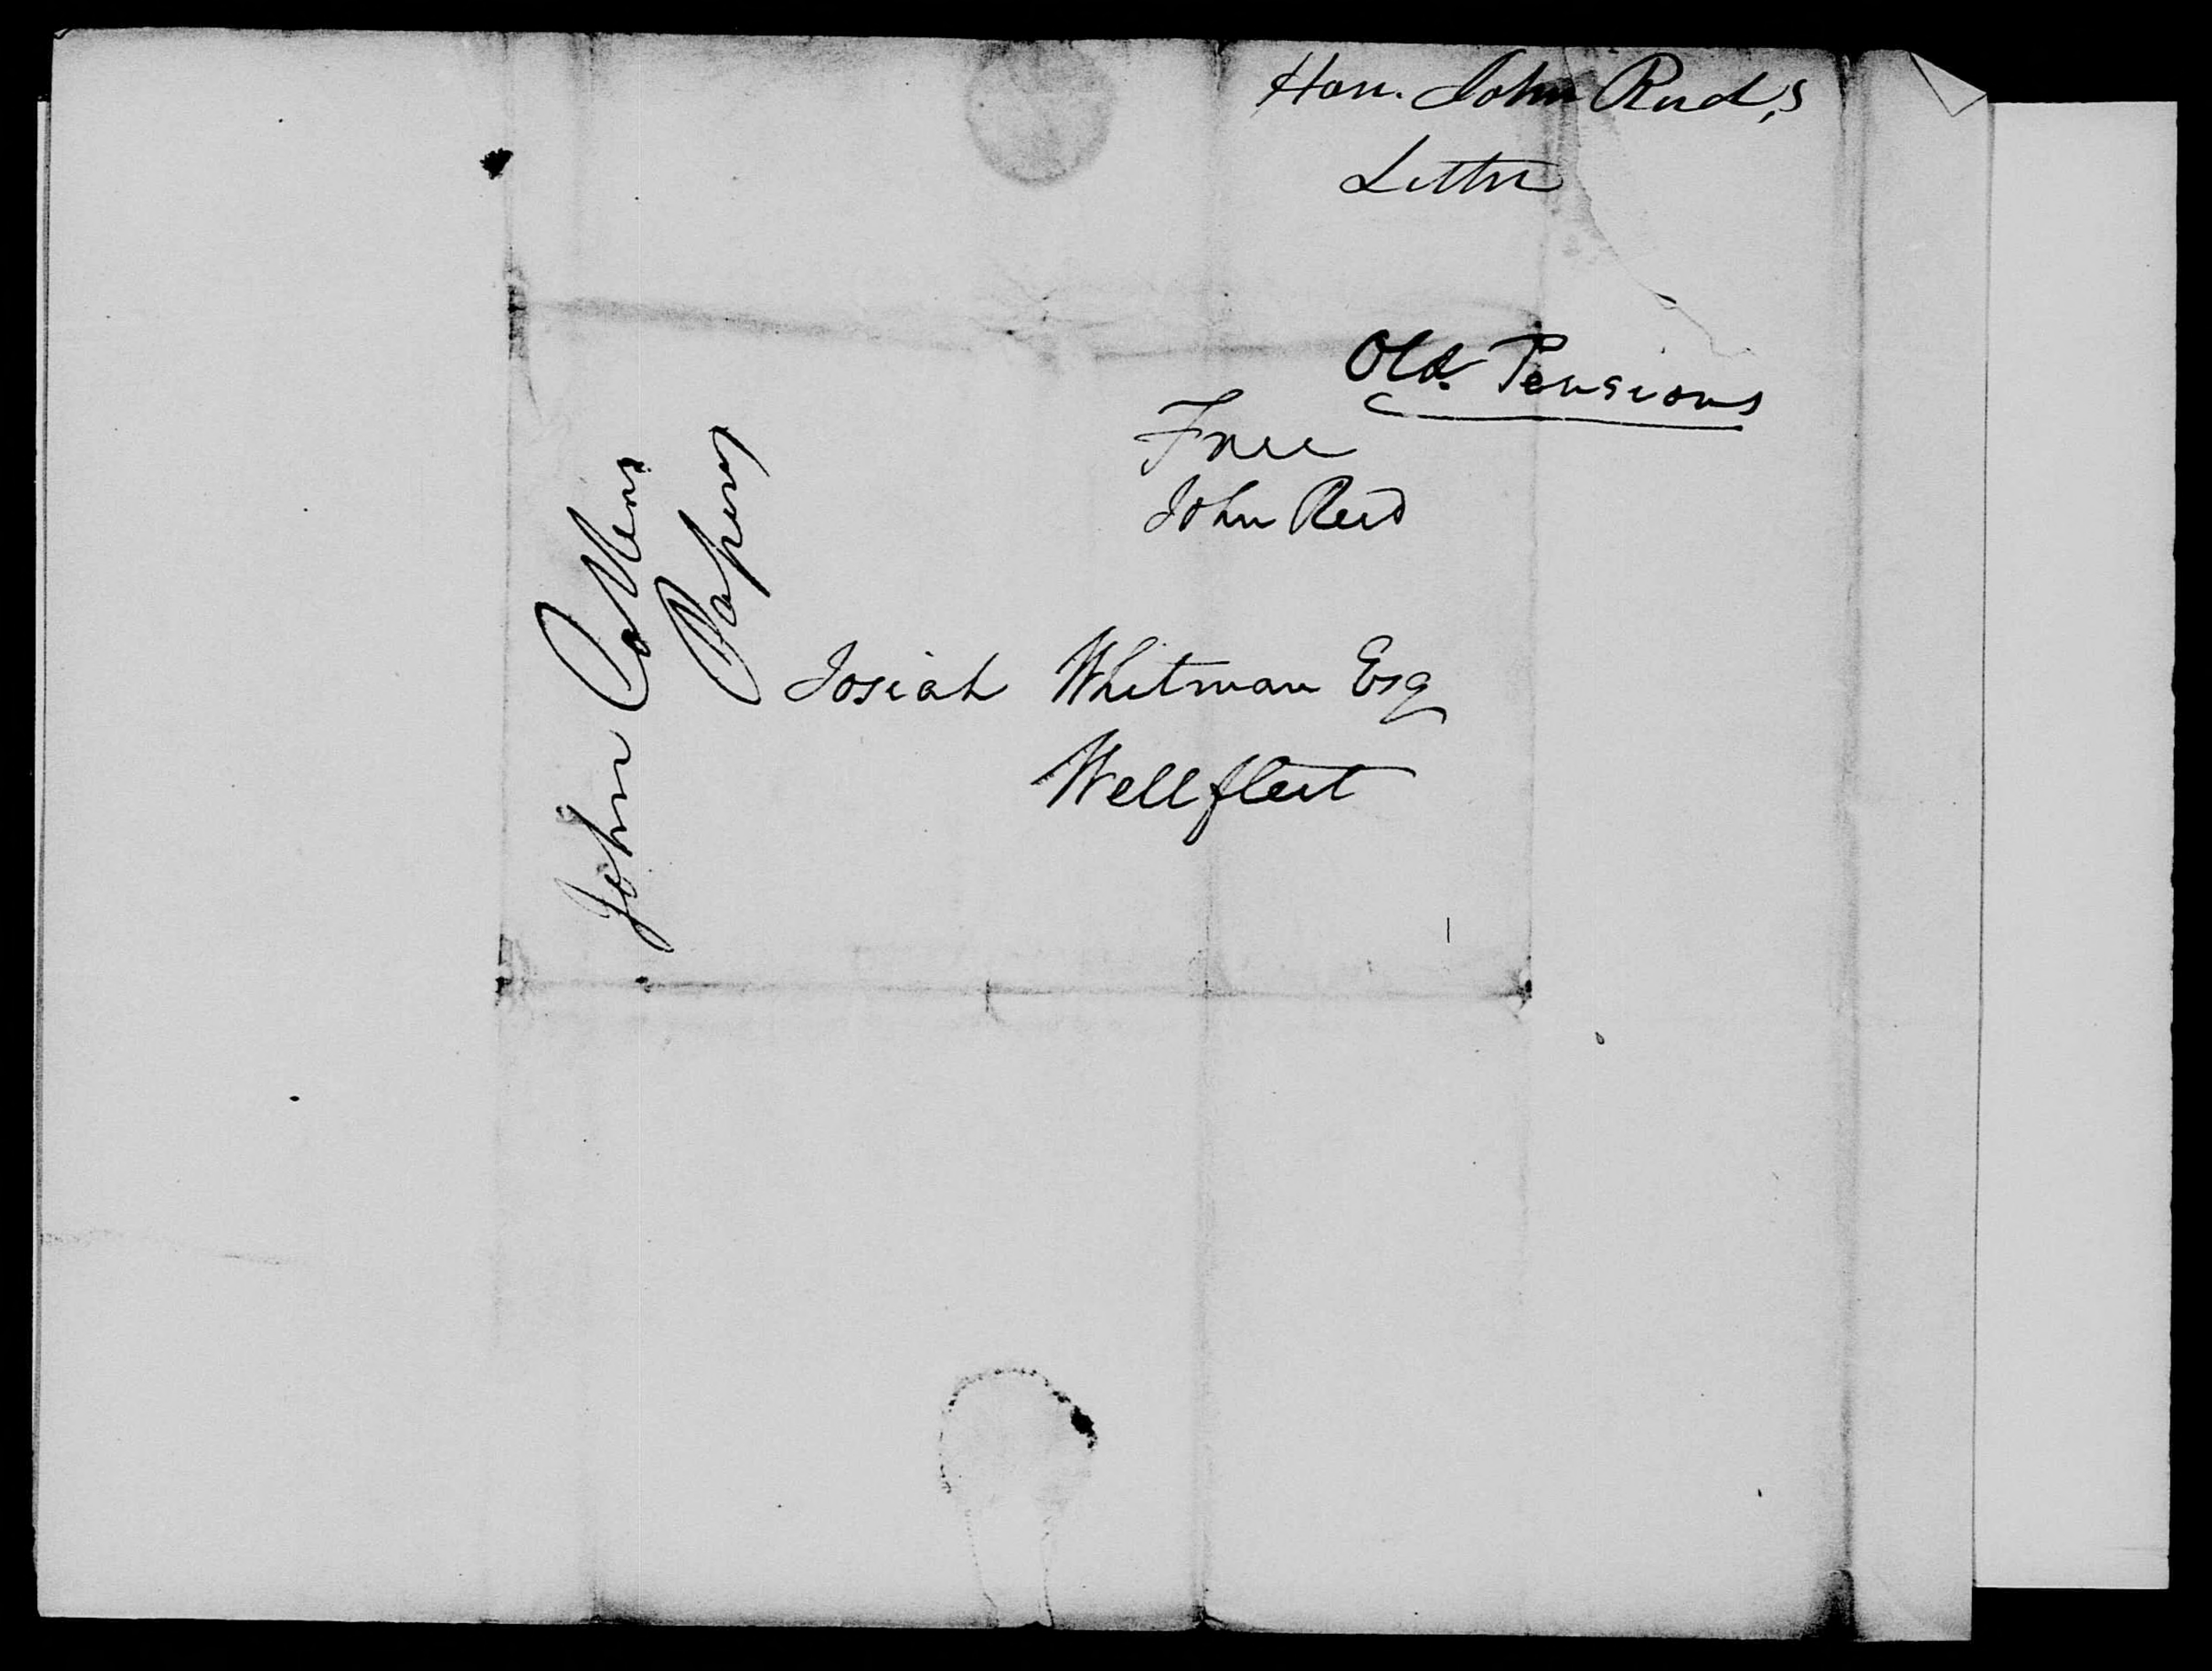John Collins Papers

Hon. John Reads Letter

Old Pensions
Free
John Read

Josiah Whitman Esq
Wellfleet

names: John Reed, John Reed, John Collins, Josiah Whitman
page: 31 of 43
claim: survivor's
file: S. 29,732, John Collins, Mass. Navy